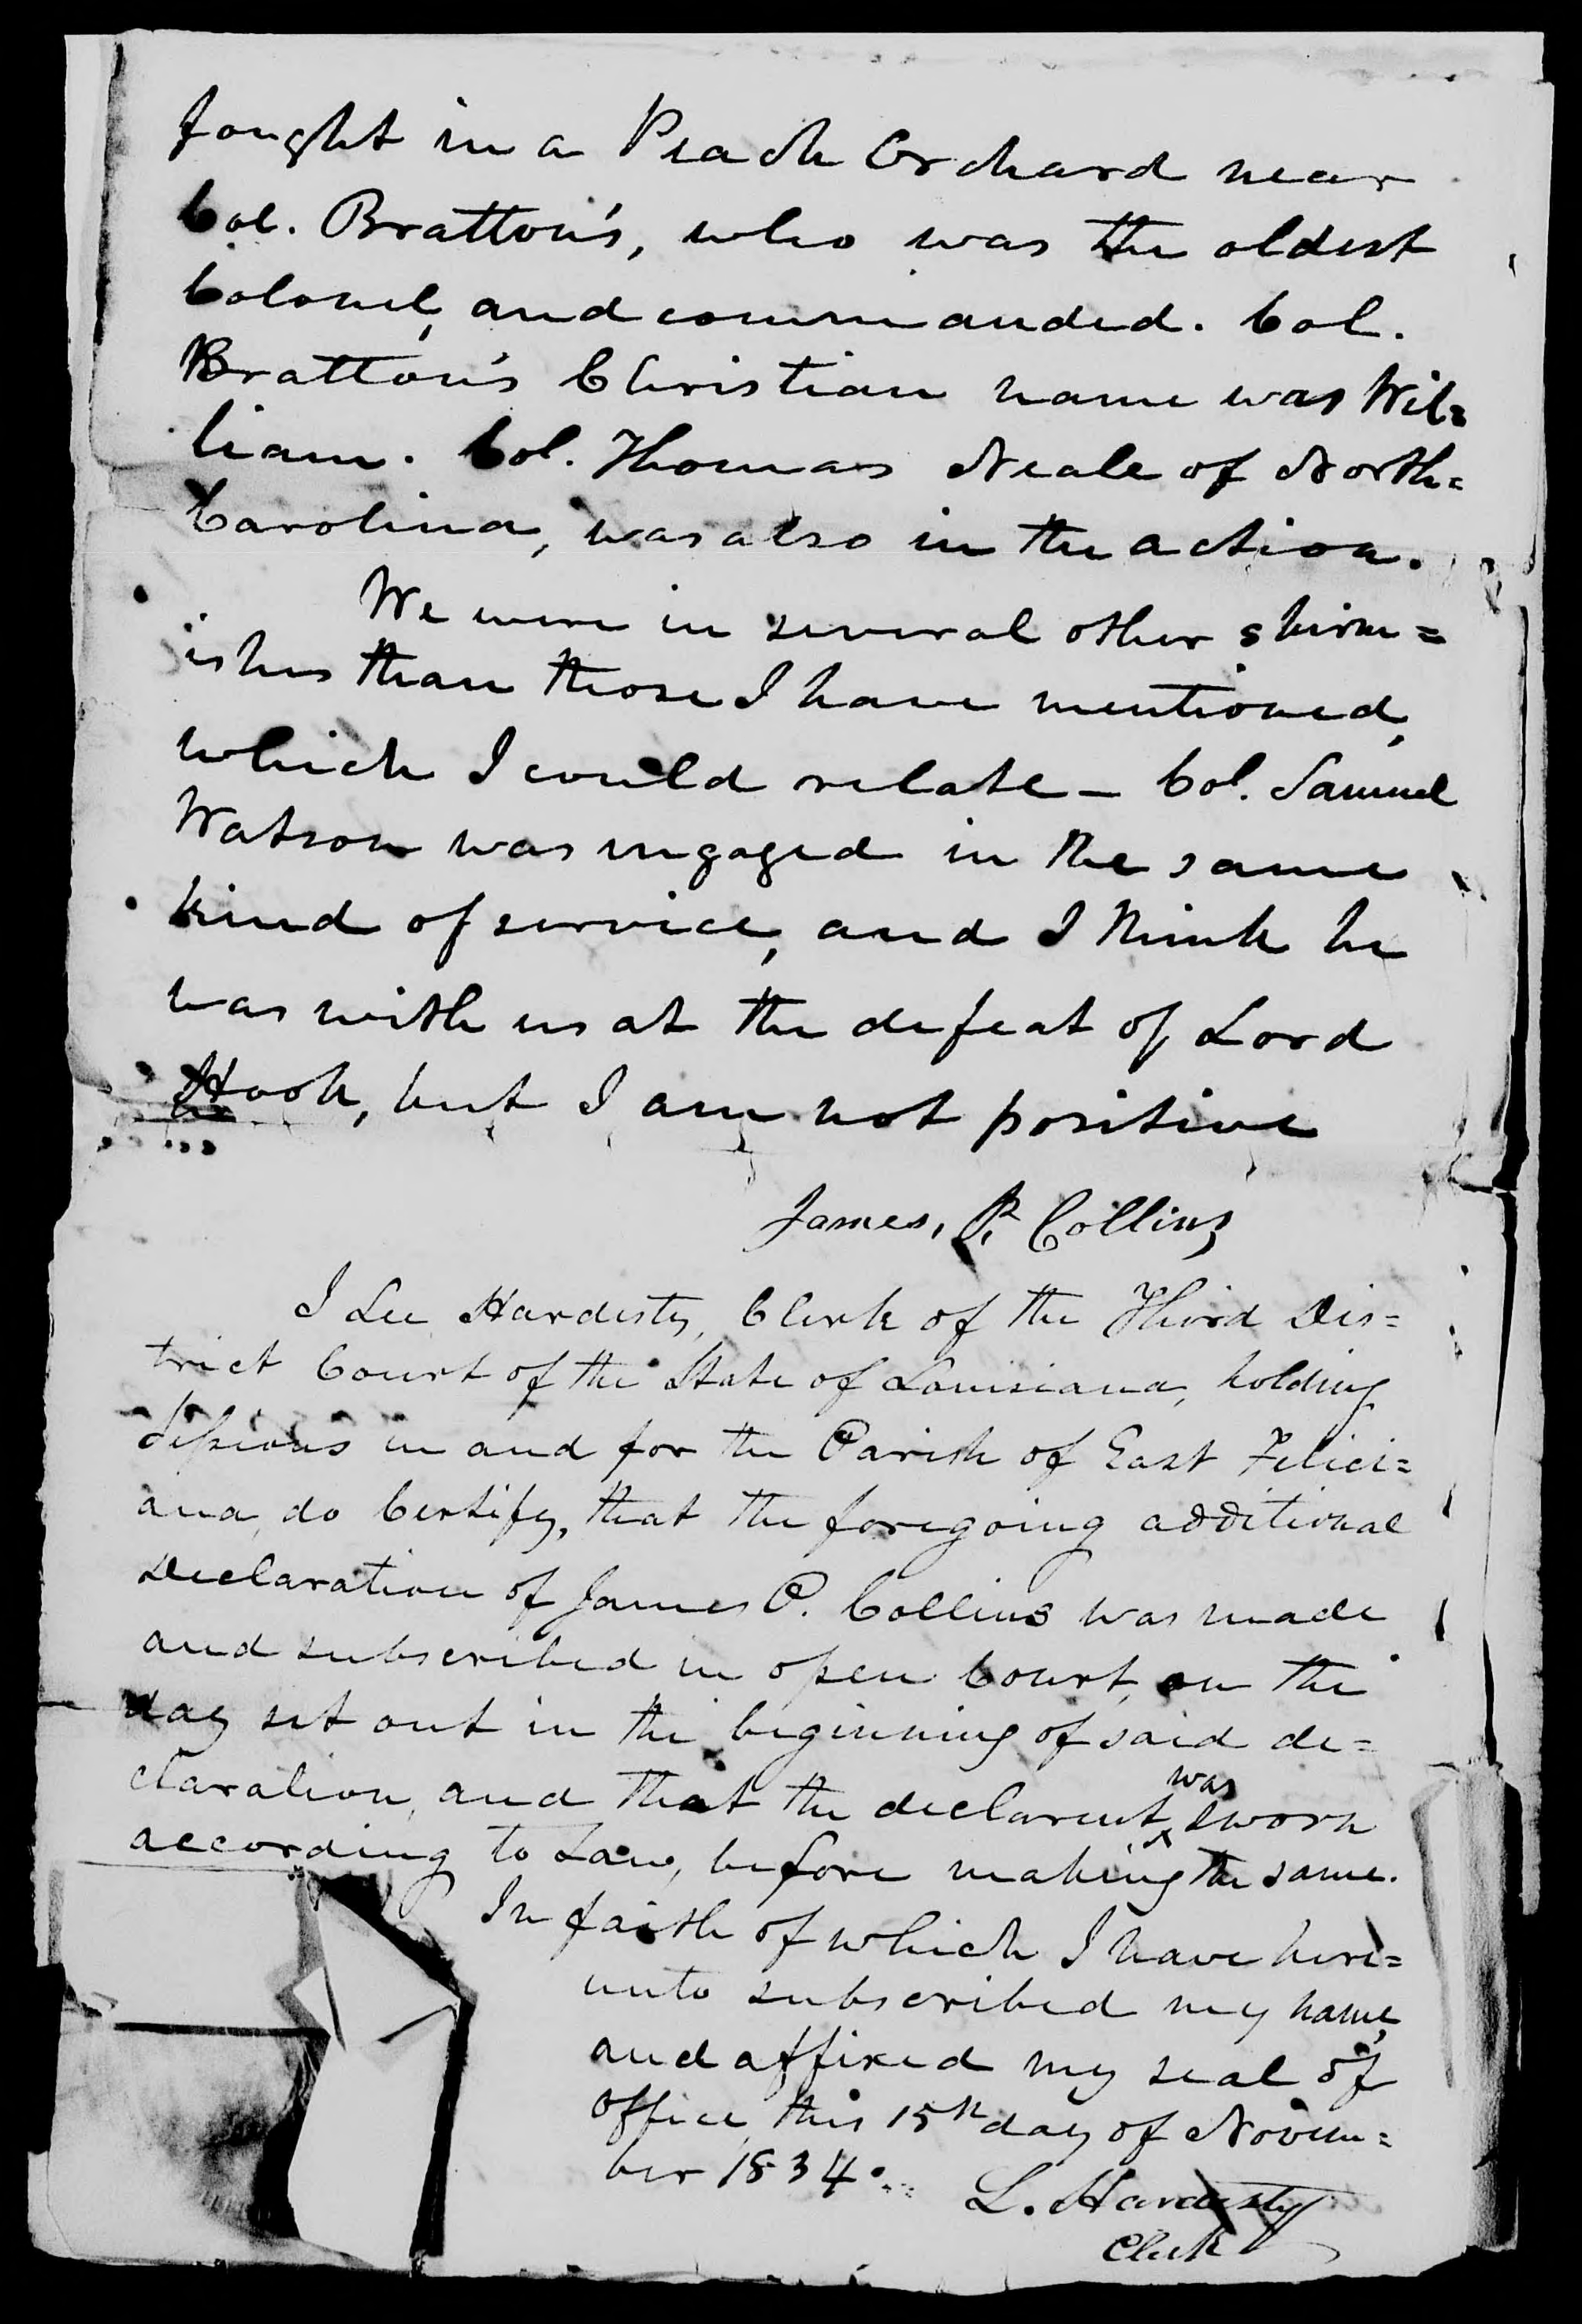fought in a Peach Orchard near Col. Bratton's, who was the oldest Colonel and commanded. Col.
Bratton's Christian name was William. Col. Thomas Neale of North Carolina was also in the action

We were in several other skirmishes than those I have mentioned which I could relate, Col. Samuel Watson was engaged in the same kind of service, and I think he was with us at the defeat of Lord
Hook, but I am not positive
[signed] James P. Collins

I, Lee Hardesty, Clerk of the Third District Court of the State of Louisiana, holding Sessions in and for the Parish of East Feliciana do certify, that the foregoing additional Declaration of James C. Collins was made and subscribed in open Court, on the day set out in the beginning of said declaration, and that the declarant was sworn according to Law, before making the same

In faith of which I have hereunto subscribed my name and affixed my seal of office this 15th day of November 1834.
L. Hardesty
Clerk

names: William, Bratton, Lee Hardesty, L Hardesty, Bratton, Samuel Watson, Thomas Neale, James P Collins, James P Collins, Hook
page: 13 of 48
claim: rejected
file: R. 2173, James P Collins, S. C.